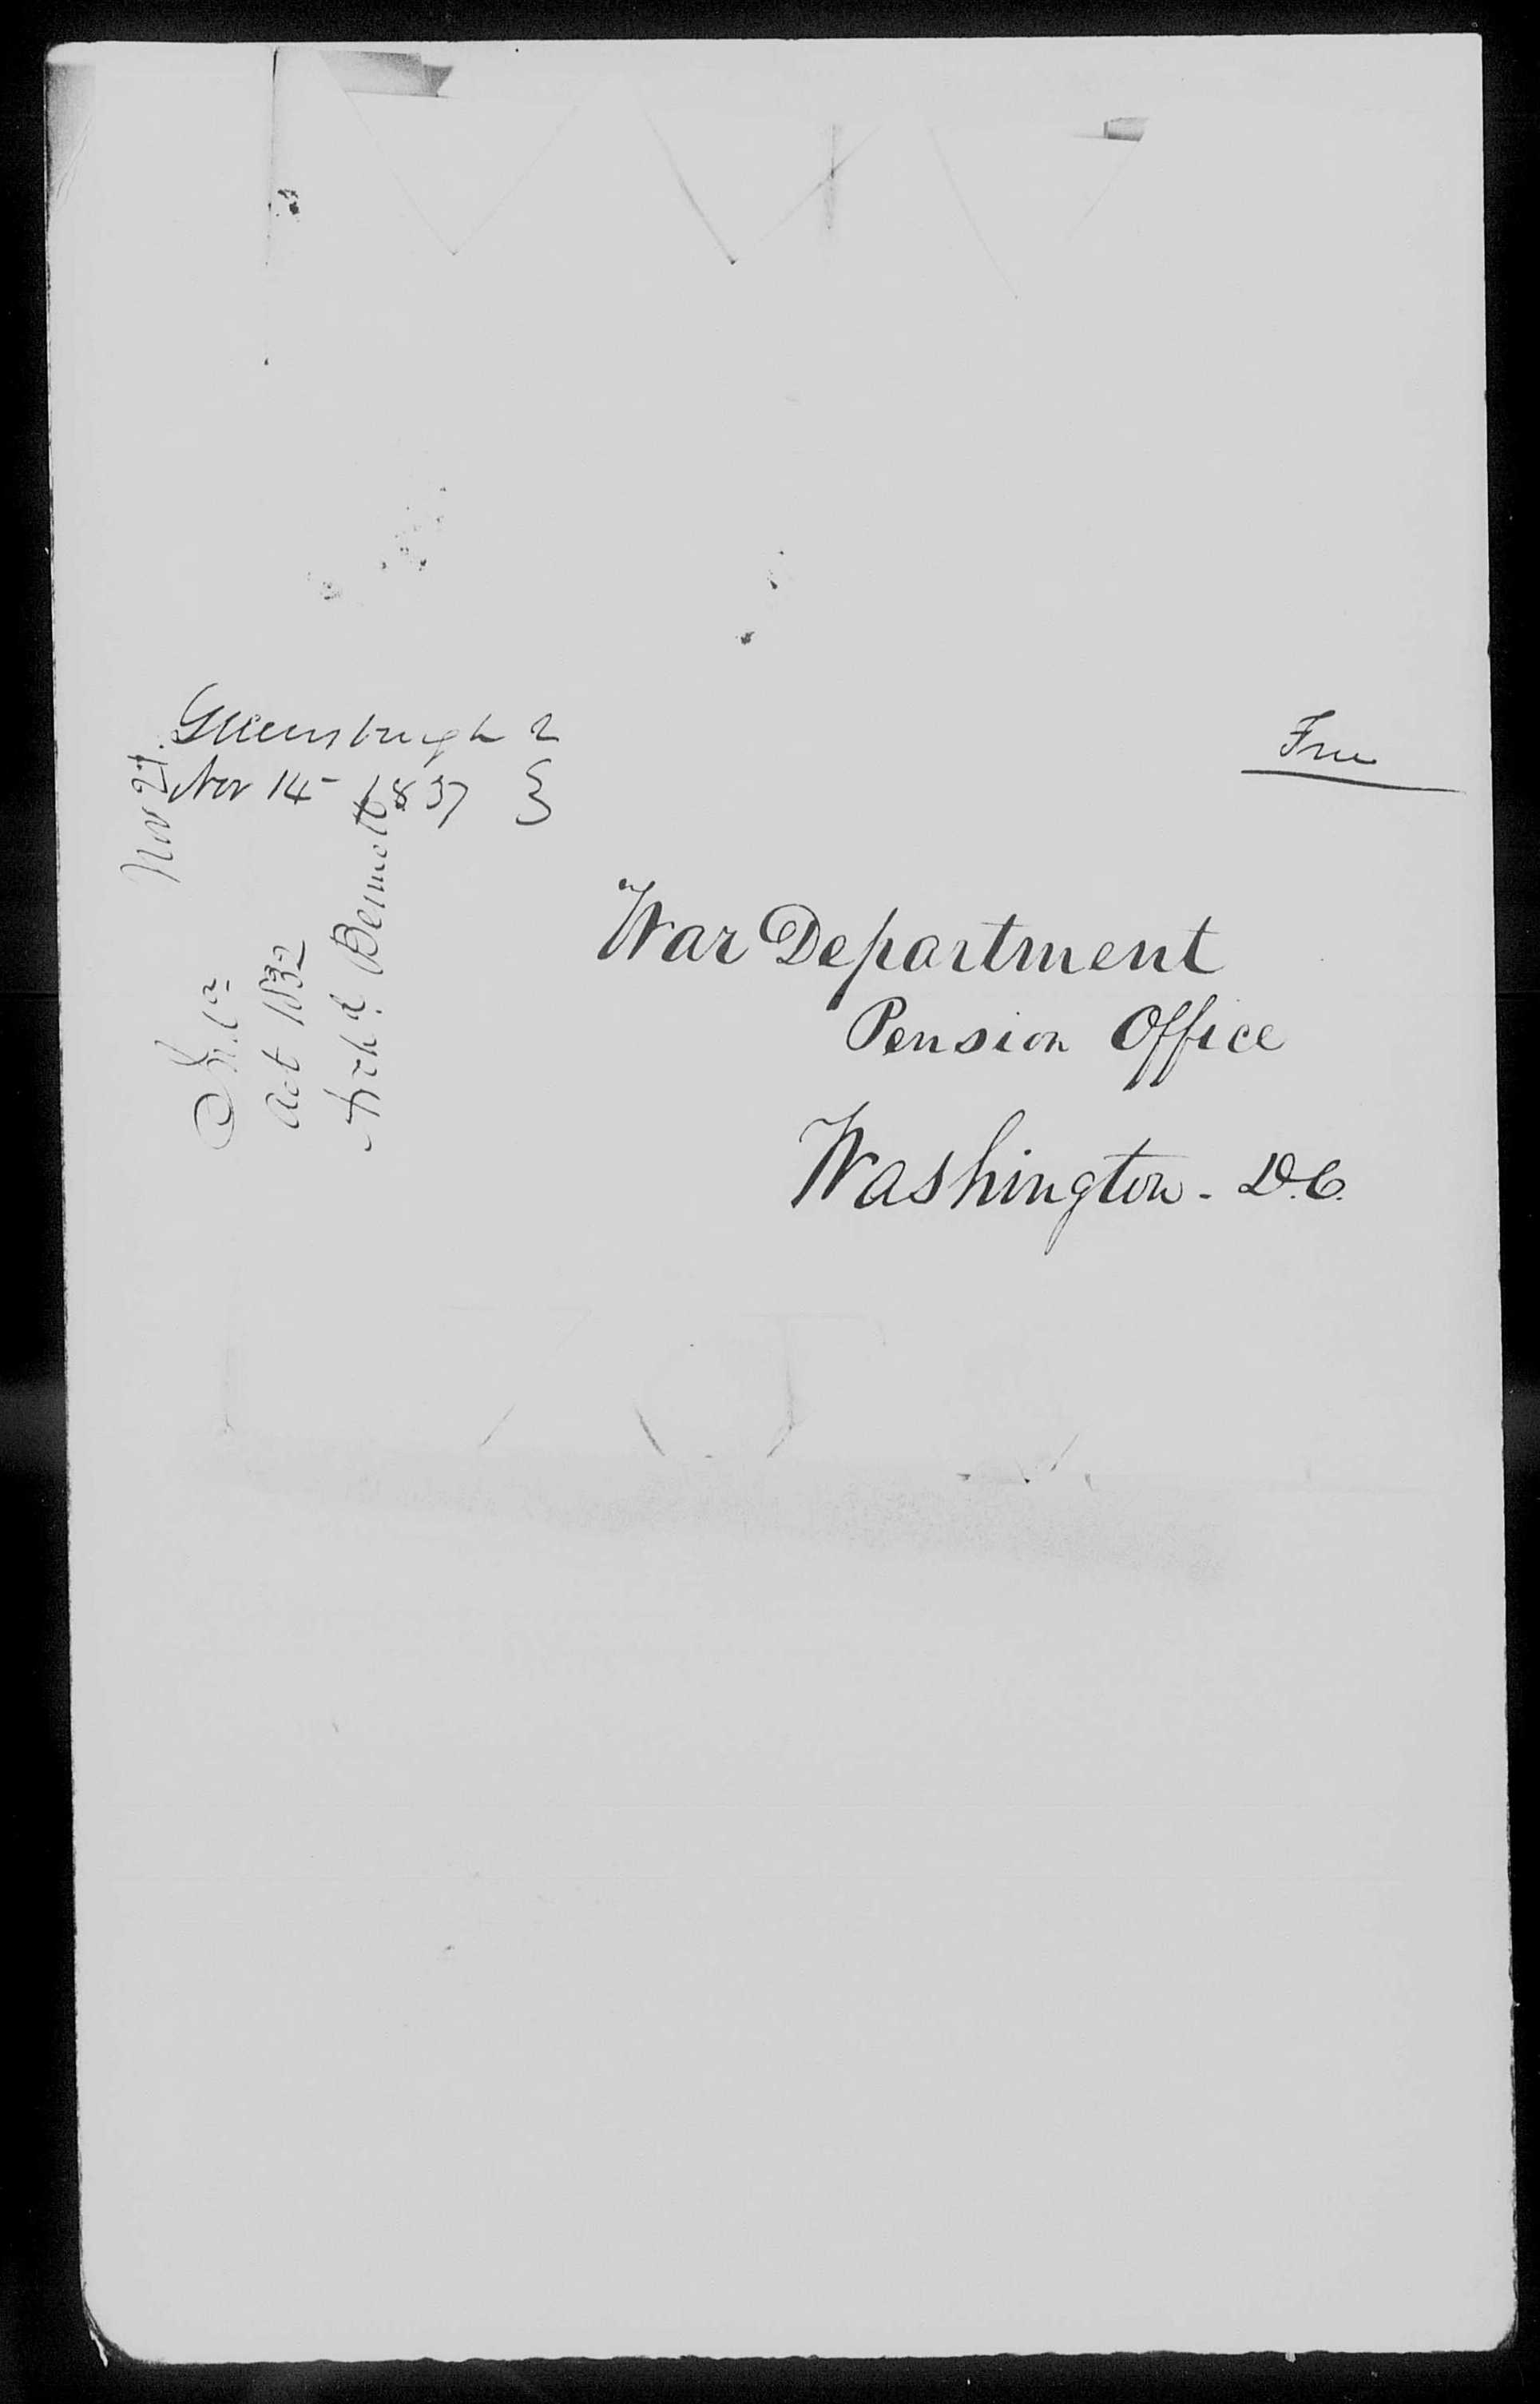Greensburgh                                 Free
Nov 14 - 1837

War Department
          Pension Office
       Washington, D.C.


Nov. 27.

Ind'a.
Act 1832

Archibald Bennett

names: Archd Bennett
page: 8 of 9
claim: rejected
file: R 749, Archibald Bennet, Penn.